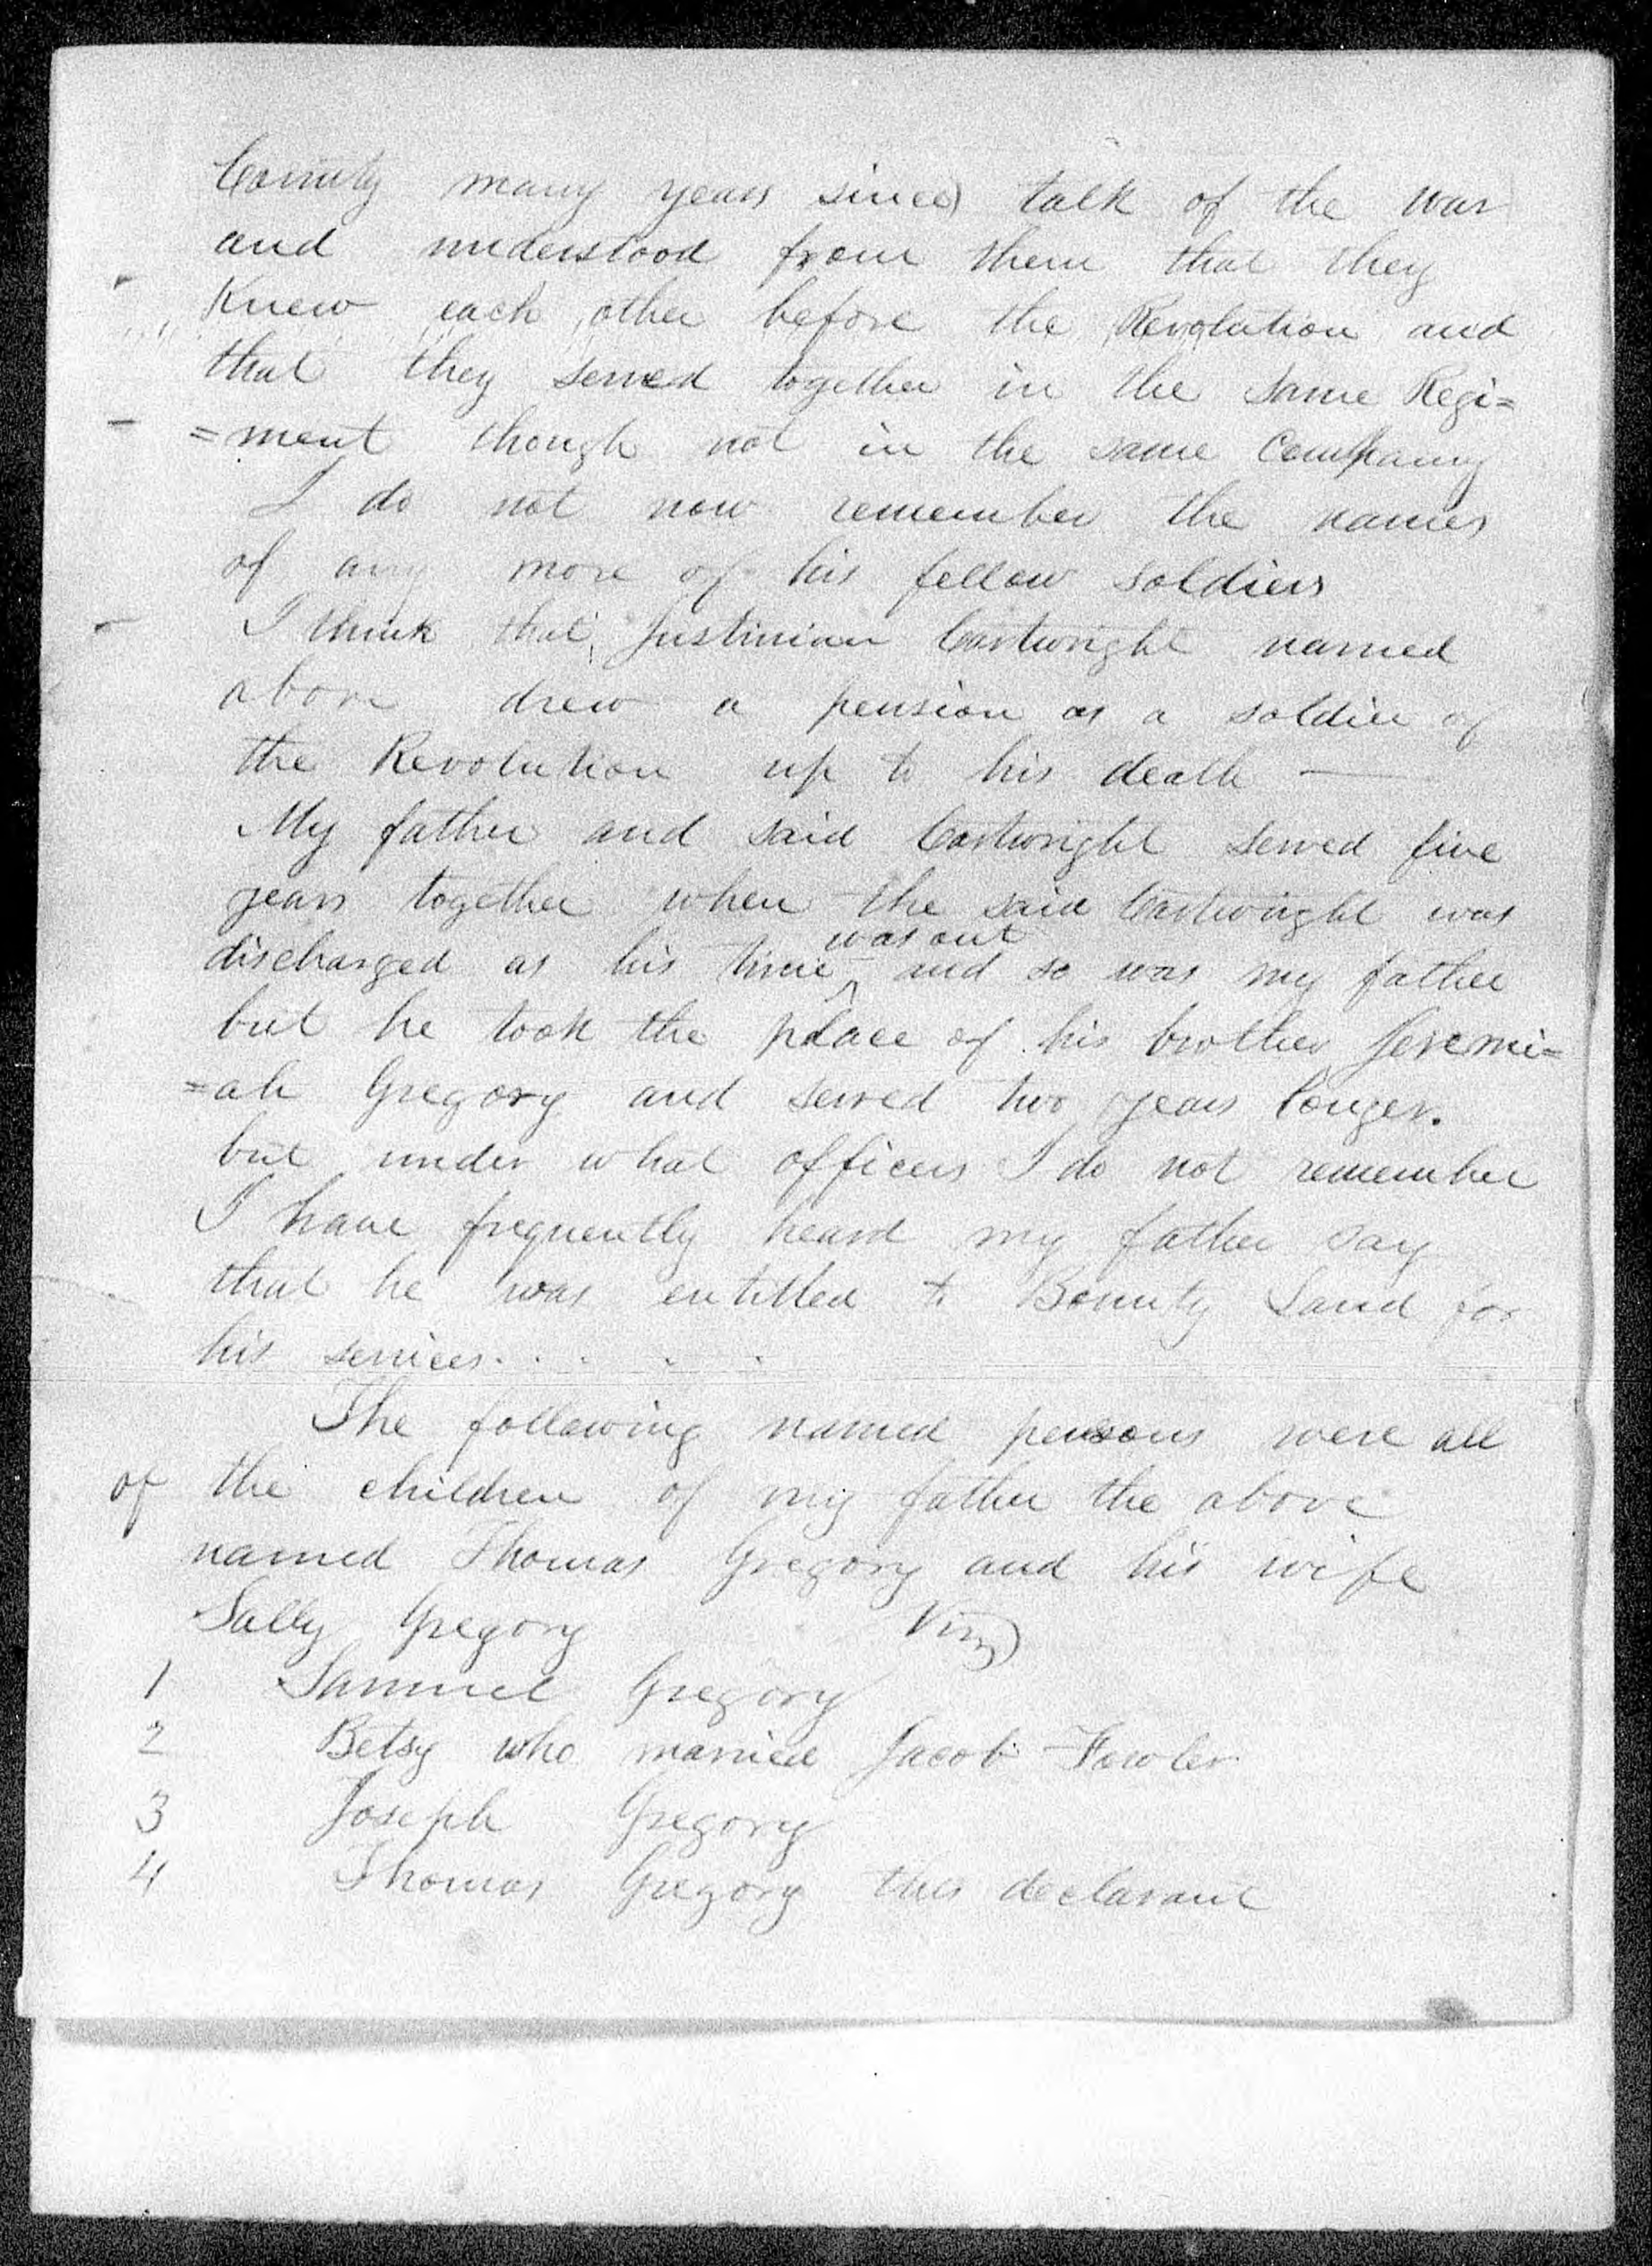County many years since talk of the war and understood from them that they knew each other before the Revolution and that they served together in the same Regiment though not in the same Company.
I do not now remember the names of any more of his fellow soldiers.
I think that Justinian Cartwright named above drew a pension as a soldier of the Revolution up to his death--
My father and said Cartwright served five years together when the said Cartwright was discharged as his time was out and so was my father but he took the place of his brother Jeremiah Gregory and served two years longer, but under what officers I do not remember. I have frequently heard my father say that he was entitled to Bounty Land for his services.
The following named persons were all of the children of my father the above named Thomas Gregory and his wife Sally Gregory  viz
1. Samuel Gregory
2. Betsy who married Jacob Fowler
3. Joseph Gregory
4. Thomas Gregory this declarant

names: Sally Gregory, Samuel Gregory, Thomas Gregory, Joseph Gregory, Jeremiah Gregory, Jacob Fowler, Thomas Gregory, Betsy Fowler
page: 55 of 75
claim: widow's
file: W. 8876, Thomas Gregory, Continental Va